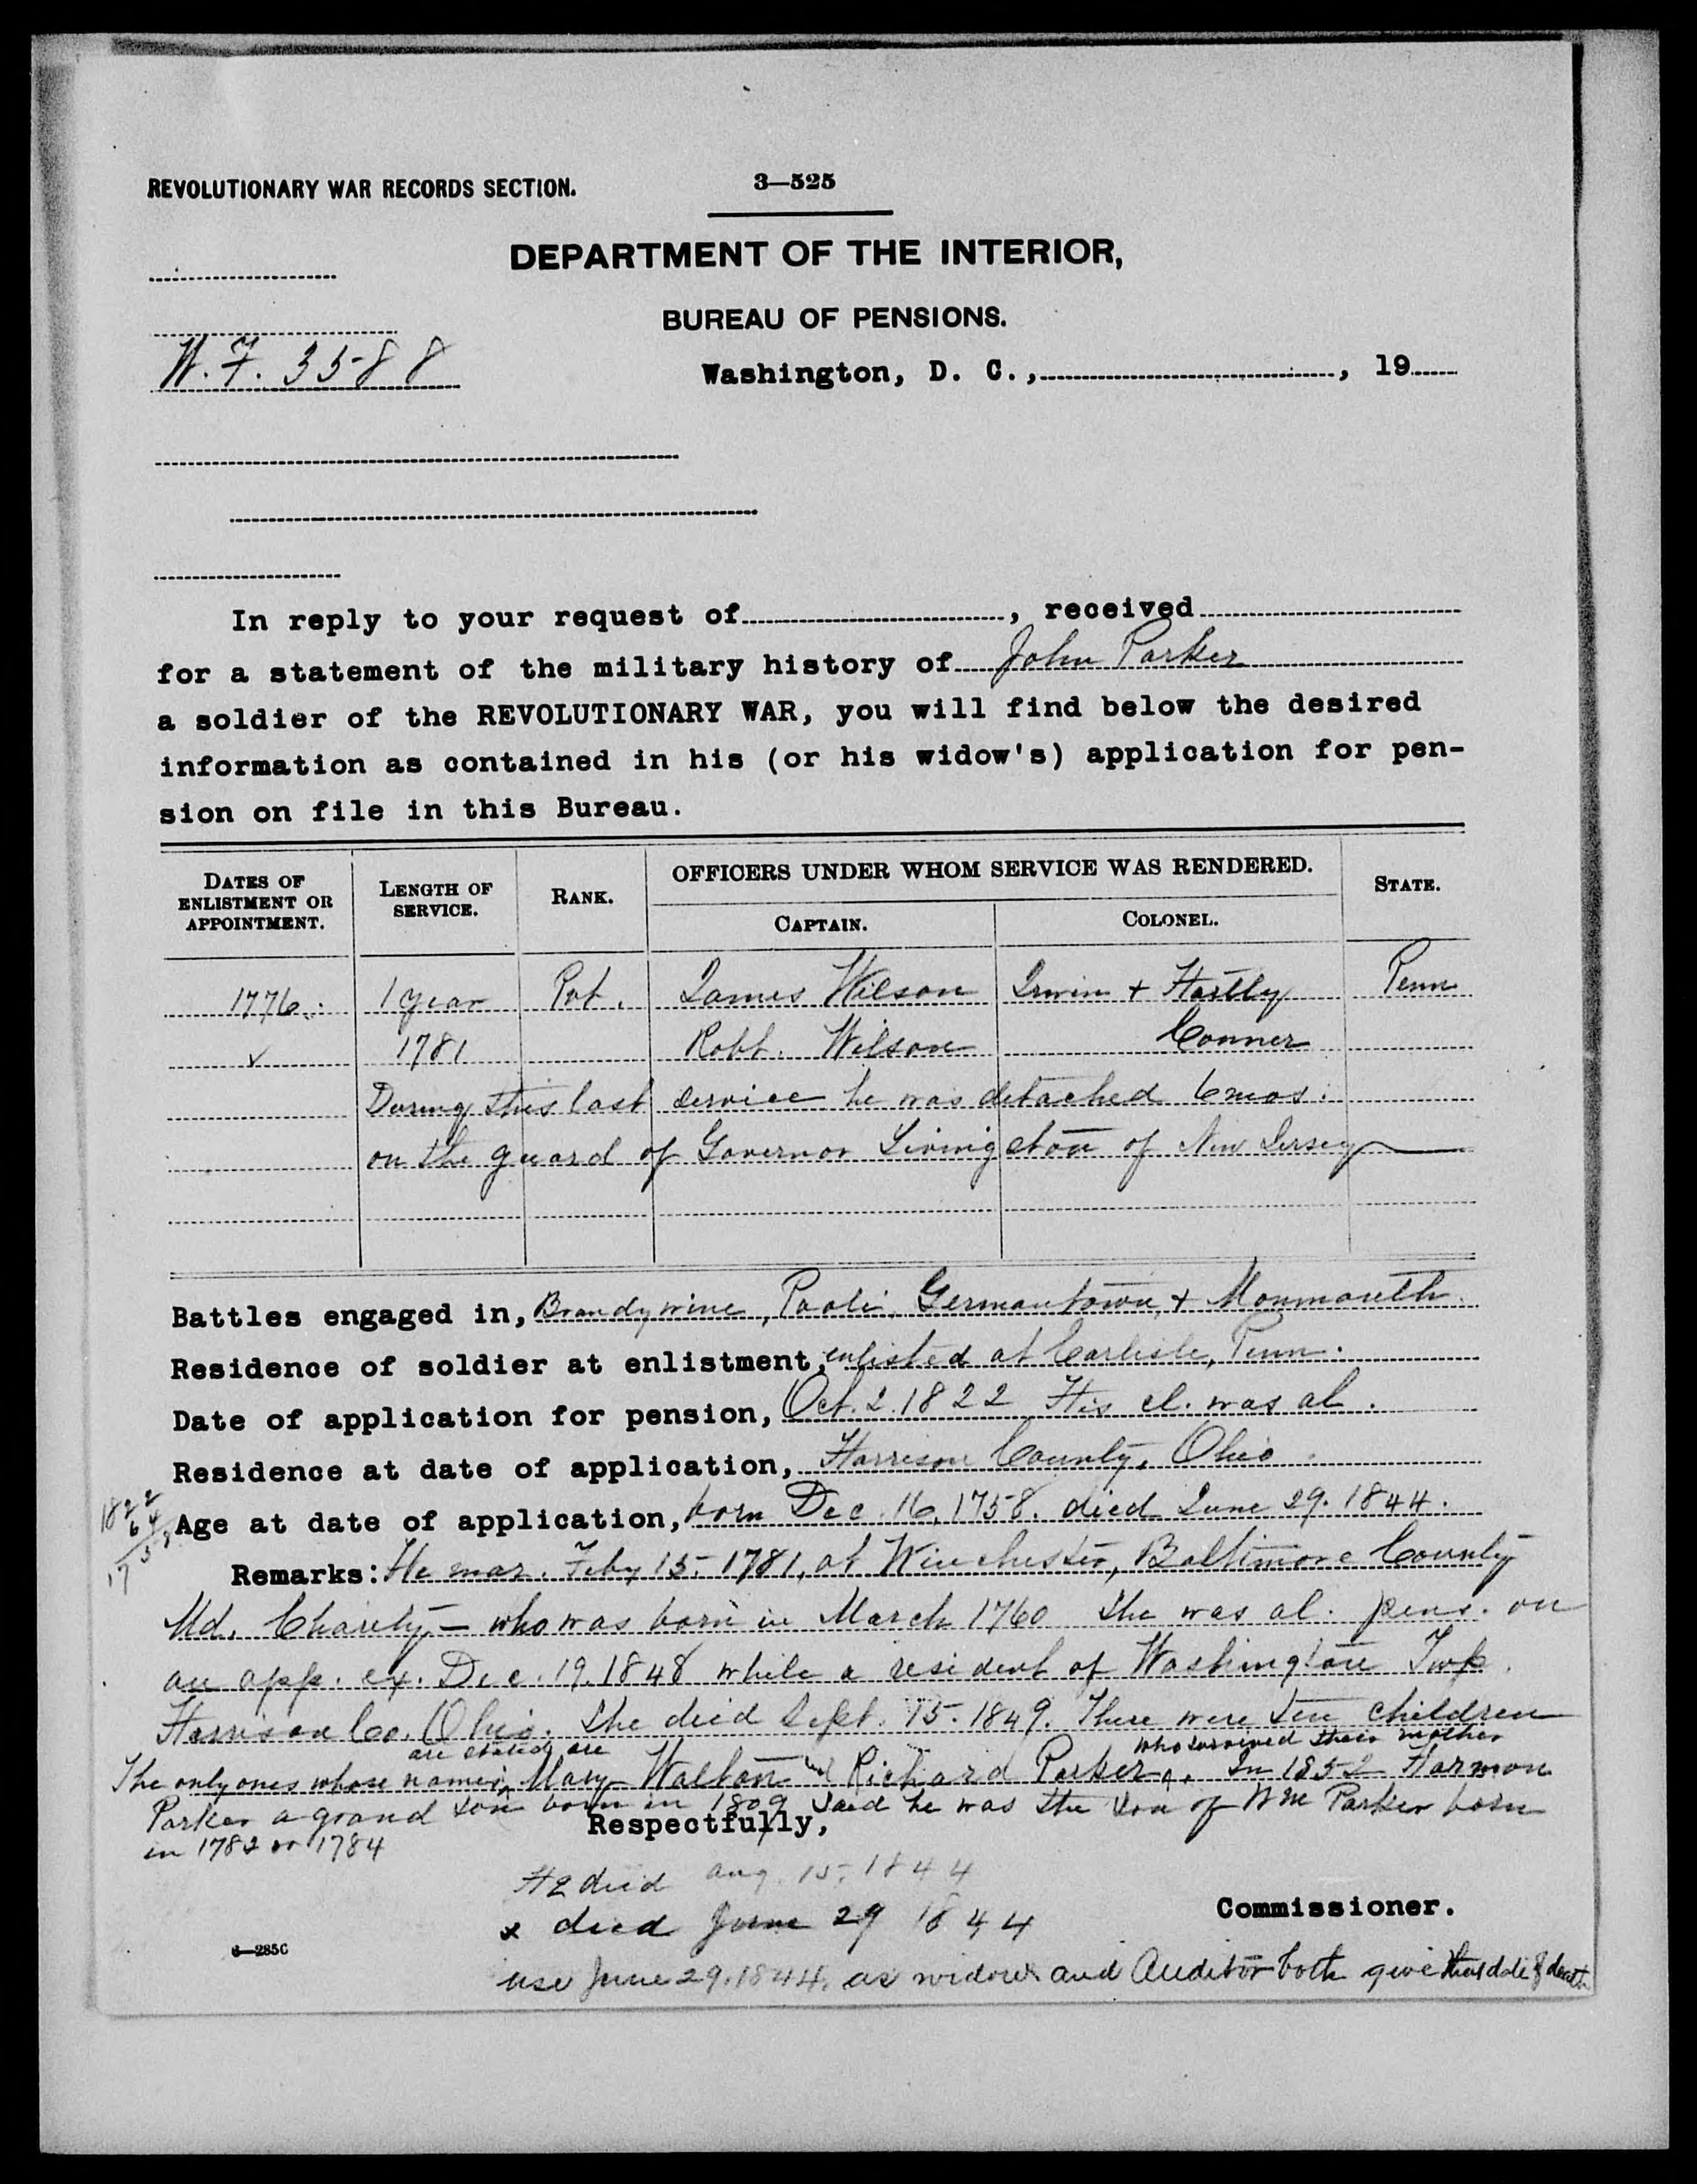REVOLUTIONARY WAR RECORDS SECTION.    3-525
DEPARTMENT OF THE INTERIOR,
BUREAU OF PENSIONS.
W.F. 33-88   Washington, D. C., [blank], 19[blank]

In reply to your request of [blank], received [blank] for a statement of the military history of John Parker a soldier of the REVOLUTIONARY WAR, you will find below the desired information as contained in his (or his widow's) application for a pension on file in this Bureau.

[The following is in tabular format.]
[Column 1] Dates of enlistment or appointment.
[Row 1] 1776

[Column 2] Length of service.
[Row 1] 1 year
[Row 2] 1781
[Row 3] During this last service he was detached 6 mos. on the guard of Governor Livingston of New Jersey.

[Column 3] Rank.
[Row 1] Prvt.

[Column 4] OFFICERS UNDER WHOM SERVICE WAS RENDERED.
[Sub-column 4a] Captain.
[Row 1] James Wilson
[Row 2] Robt. Wilson
[Sub-column 4b] Colonel.
[Row 1] Irwin & Hartley
[Row 2] Conner

[Column 5] State.
[Row 1] Penn.

Battles engaged in, Brandywine, Paoli, Germantown & Monmouth.
Residence of soldier at enlistment, enlisted at Carlisle, Penn.
Date of application for pension, Oct. 2, 1822 His el. was al.
Residence at date of application, Harrison County, Ohio.
Age at date of application, born Dec. 16, 1758. died June 29, 1844.
Remarks: He mar. [married] Feby 15, 1781 at Winchester, Baltimore County, Md., Charity, who was born in March 1760. She was al. [allowed] pens.[pension] on an appl. [application] ex. [executed] Dec. 19, 1848 while a resident of Washington Twp., Harrison Co. Ohio. She died Sept. 15, 1849. There were ten children. The only ones whose names are stated are Mary Walton and Richard Parker who survived their mother. In 1852 Harmon Parker a grand son was born in 1809, said he was the son of Wm. Parker born in 1782 or 1784. 

[Notes dded at the bottom of the page]
He [John Parker] died Aug. 15, 1844 [another note is]
died June 24, 1844,
use June 29, 1844 as widow and Auditor both give that date of death.

Respectfully,
Commissioner.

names: [BLANK] Livingston; Richard Parker; Wm Parker; [BLANK] Conner; Robt Wilson; Mary Walton; [BLANK] Hartly; [BLANK] Irwin; Harmon Parker; John Parker; James Wilson; Charity [BLANK]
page: 39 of 40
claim: widow's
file: W. 3,588, for John Parker, Pennsylvania